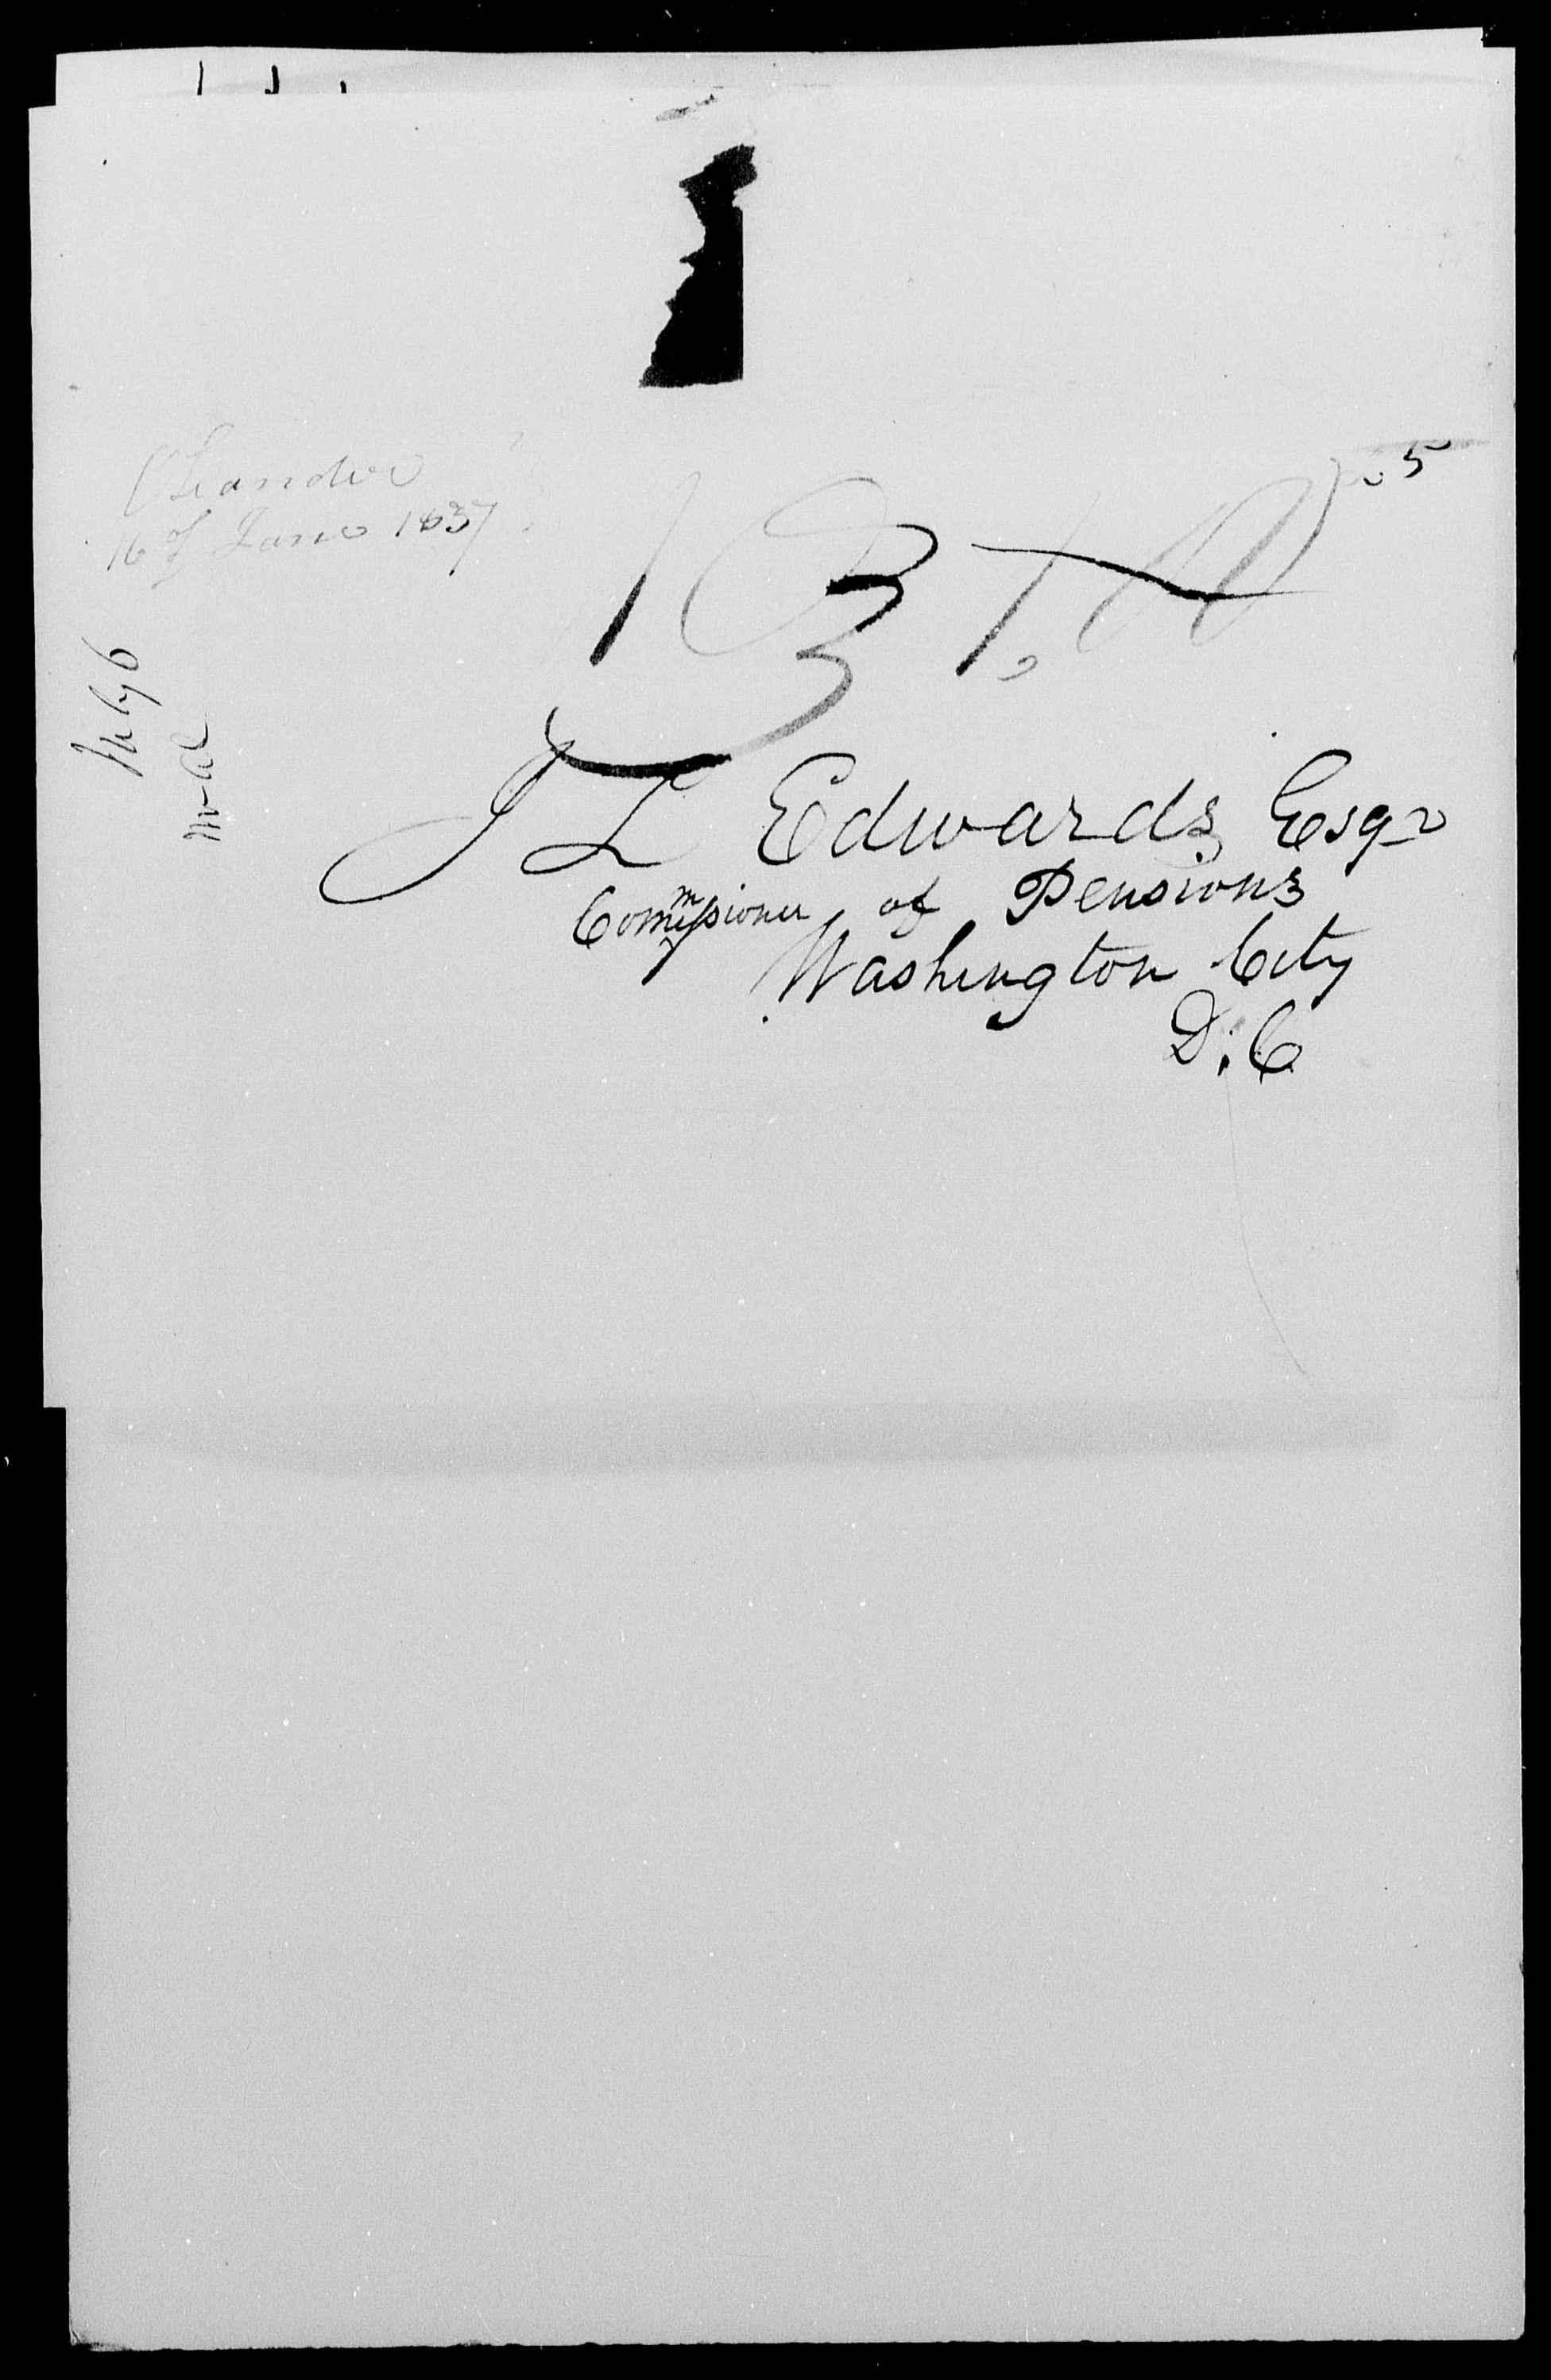[illegible]
16 of June 1837
July 6 Mr Al
[illegible scribble]

J L Edwards Esqr
Commissioner of Pensions
Washington City D. C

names: J L Edwards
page: 20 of 22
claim: rejected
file: R. 411, Elisha Baker, N.C.